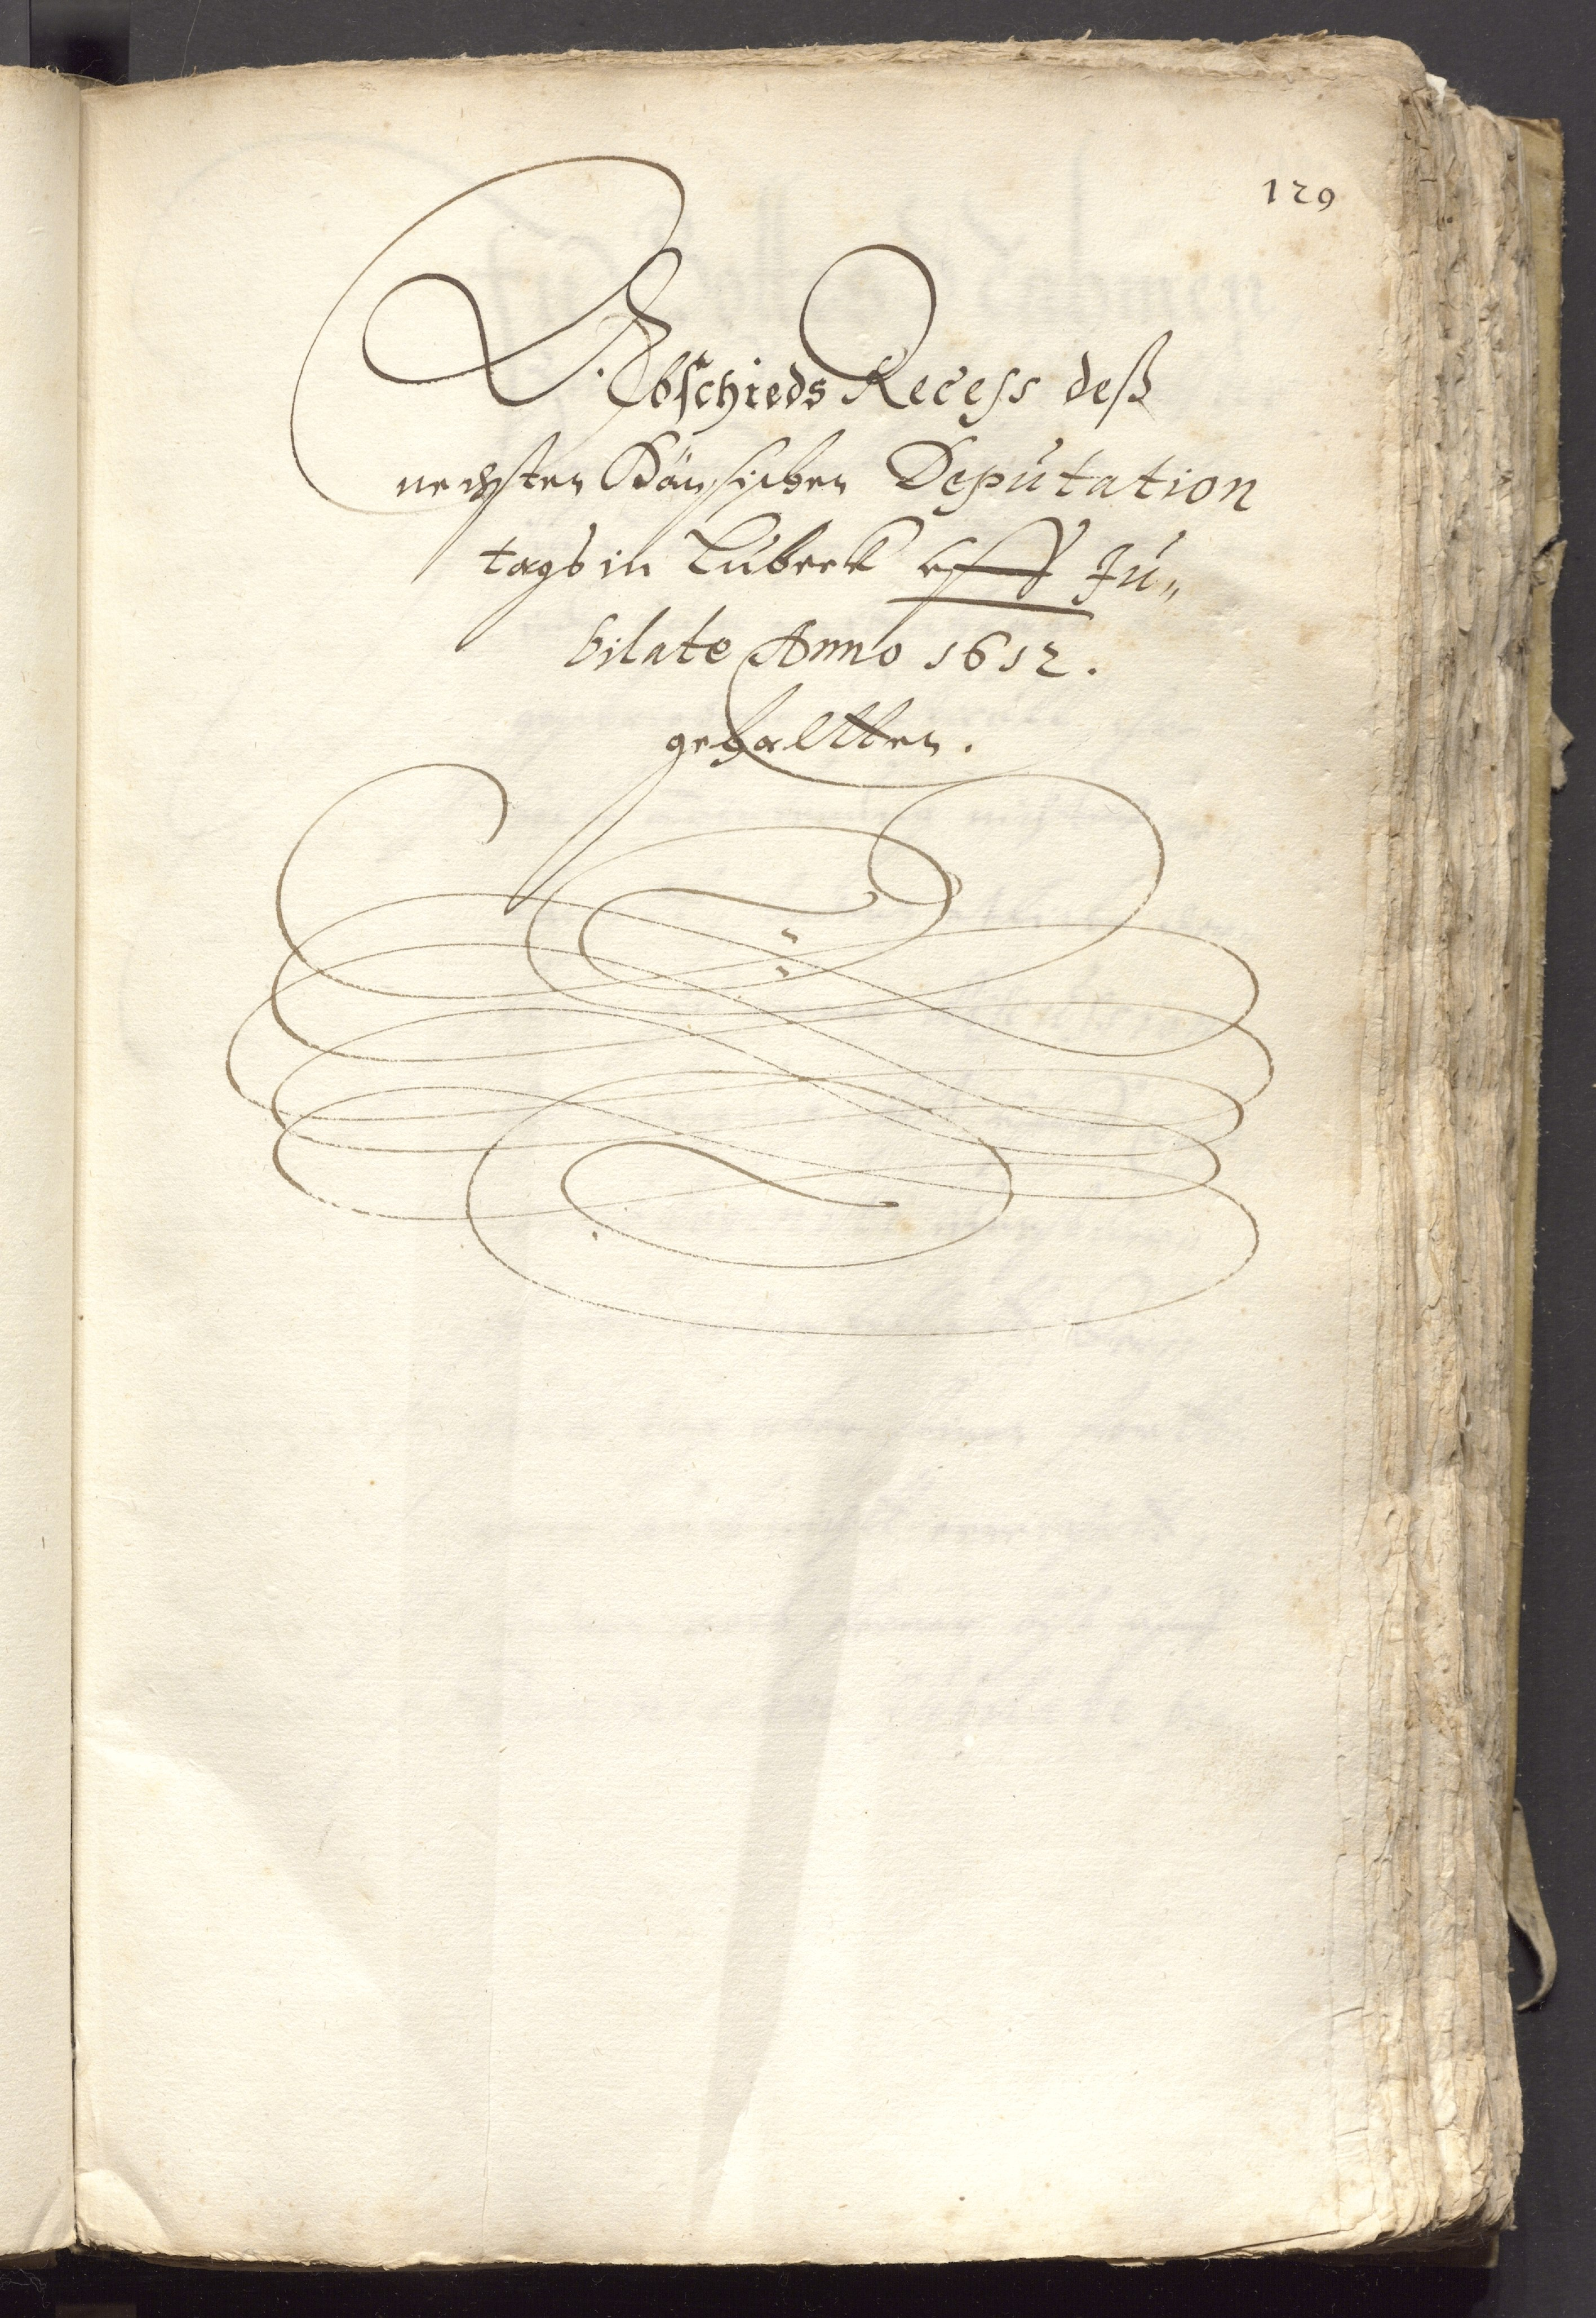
129
Abschieds Recess deß
nechsten Hänsischen Deputation
tags in Lubeck vff Ju¬
bilate Anno 1612.
gehaltten.
